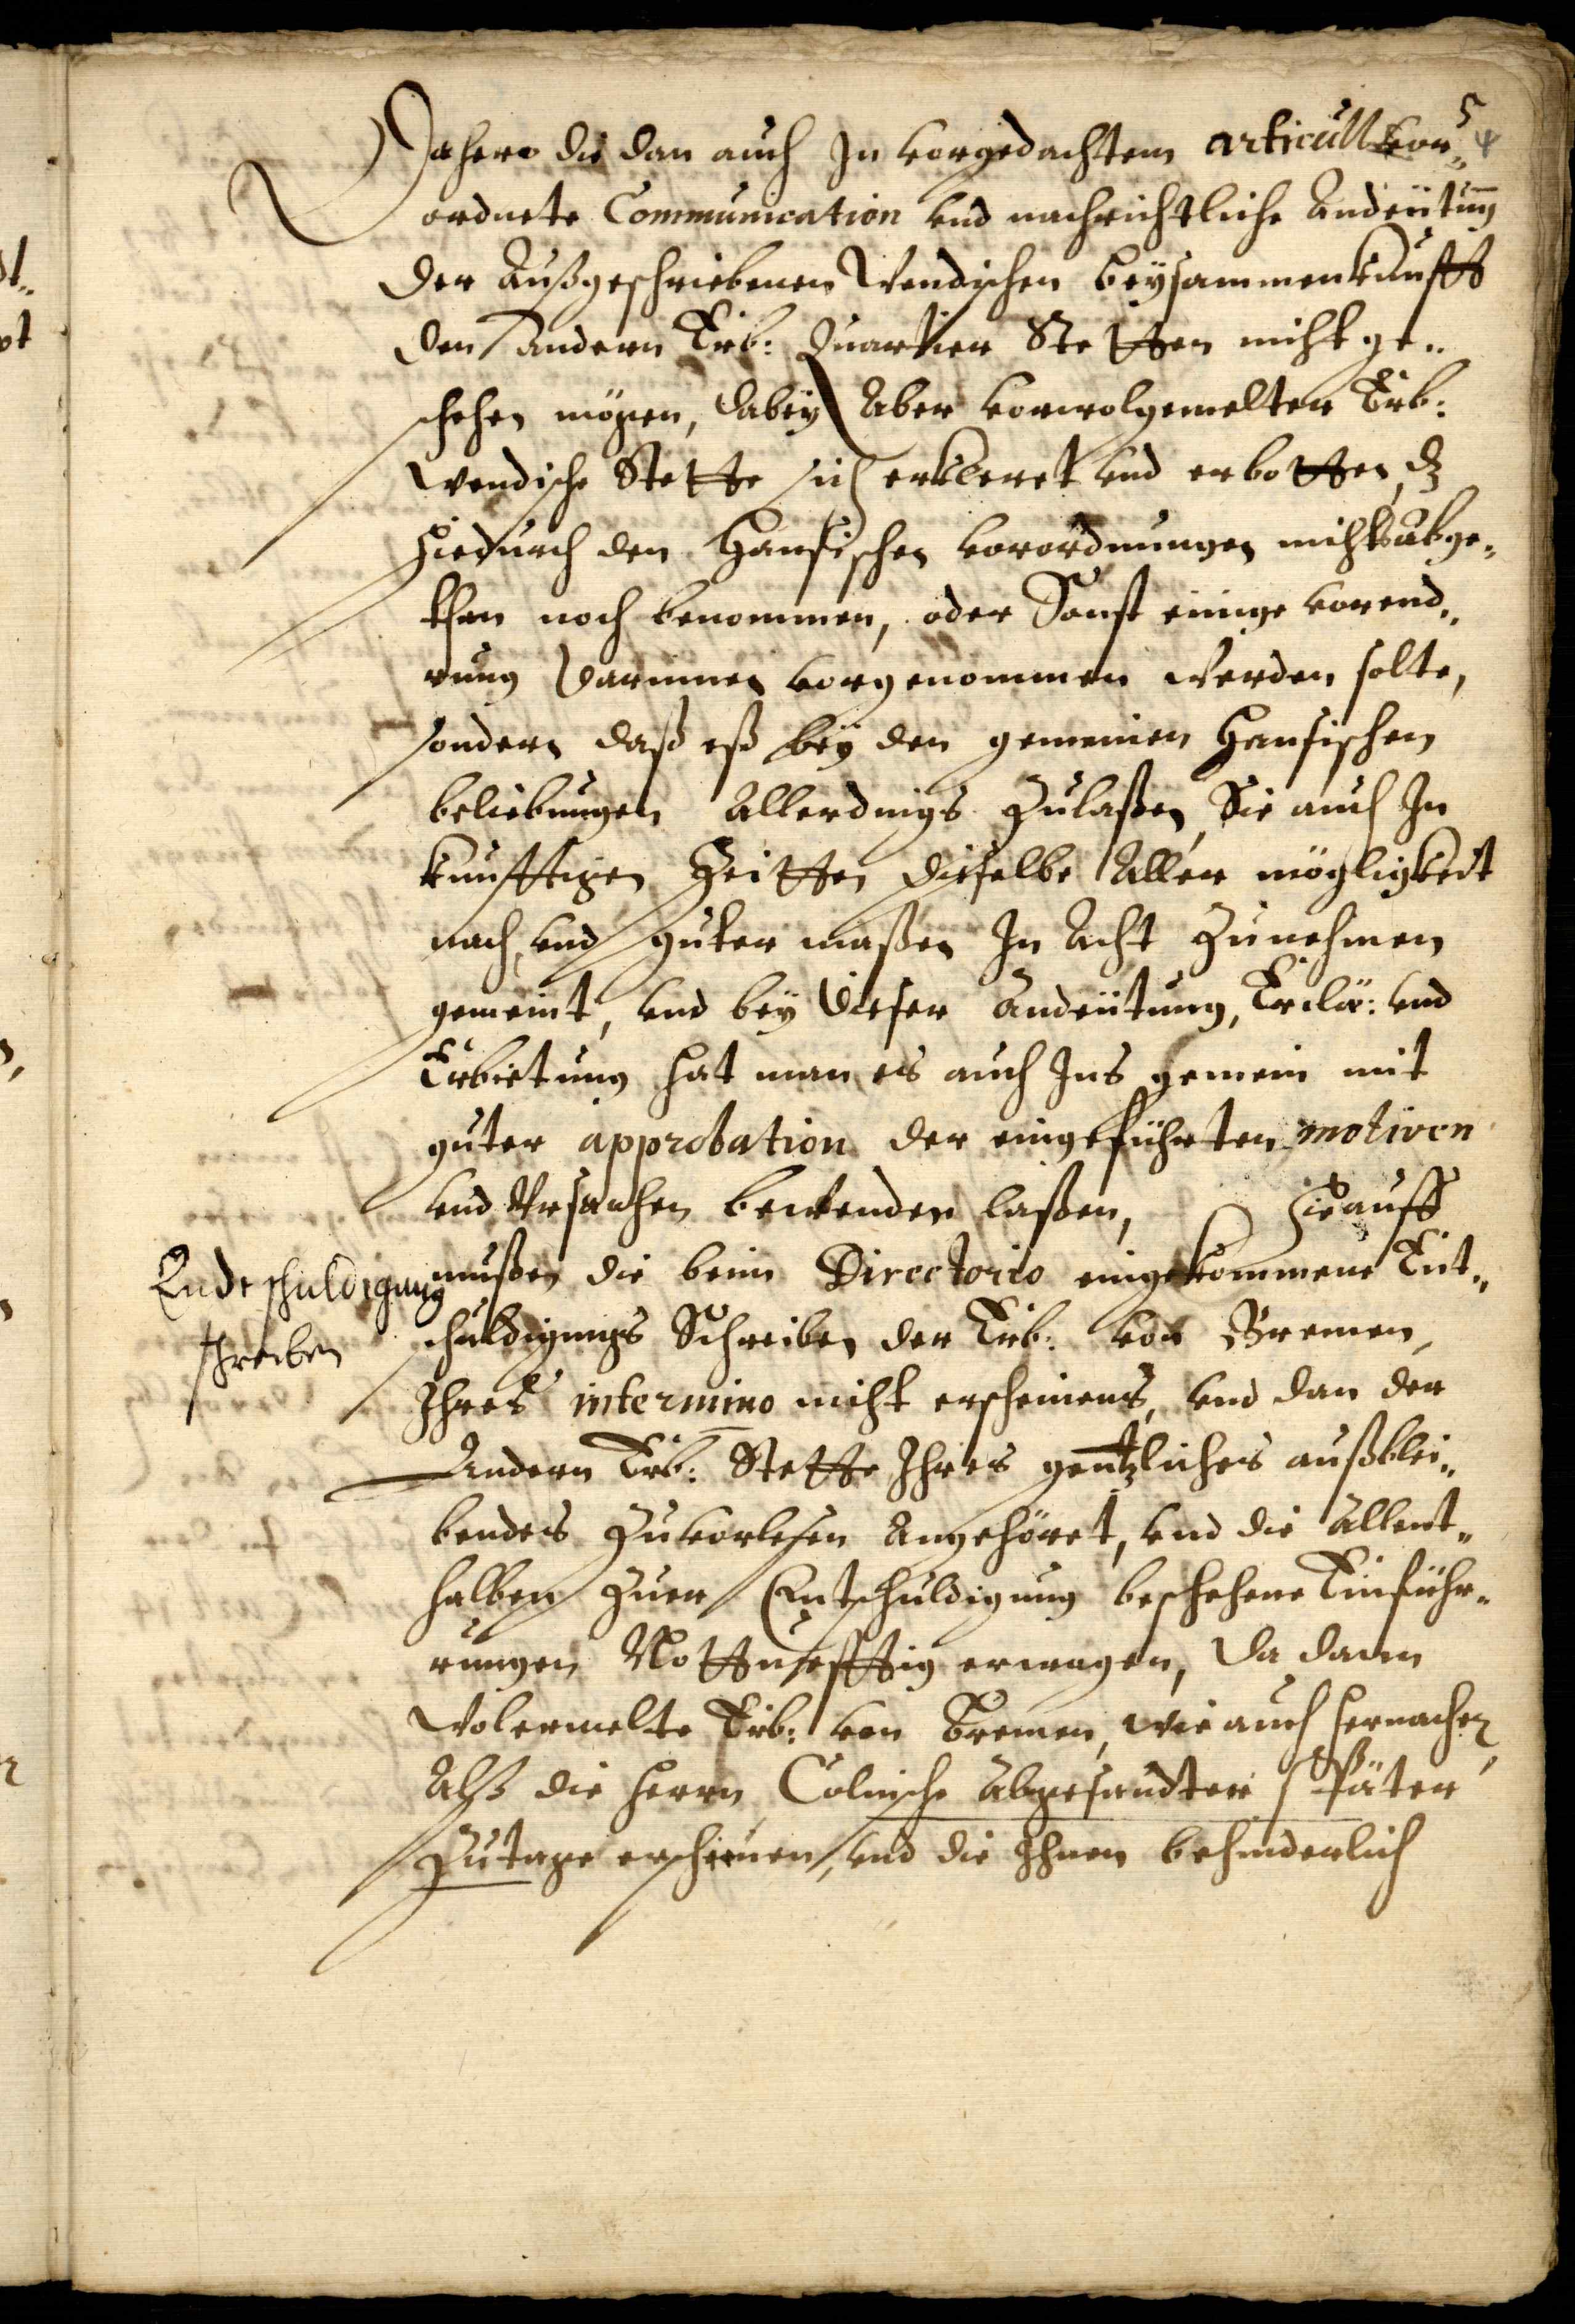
5
Endeschuldigung
schreiben
Dahero die dan auch in vorgedachtem articull vor¬
ordnete Communication und nachrichtliche Andeütung
der außgeschriebenen Wendischen beijsammenkunftt
den andern Erb: Quartier Stetten nicht ge¬
schehen mögen, dabeij aber vorwolgemelter Erb:
Wendische Stette sich erkleret und erbotten, den
hiedurch den Hansischen vorordnungen nichts abge¬
than noch benommen, oder Sanft einige vorend¬
rung darinnen vorgenommen werden solte,
sondern daß eß beij den gemeinen Hansischen
beliebungen allerdings zulaßen, sie auch in
kunfttigen Zeitten dieselbe aller möglichkeit
nach, vnd guter maßen in acht zu nehmen
gemeint, vnd beij dieser andeütung, Erclär: vnd
Erbietung hat man es auch ins gemein mit
guter approbation der eingeführten motiven
vnd vrsachen bewenden laßen, Hie auff
mußen die beim Directorio eingekommene Ent¬
schuldigungs schreiben der Erb: von Bremen,
ihres intermino nicht erscheinens, vnd dan der
andern Erb: Stette Ihres gentzliches außblei¬
bendes zu vorlesen angehöret, vnd die allent¬
halben zuer Entschuldigung beschehene Einführ¬
rungen Notturfttig erwagen, da dann
wolermelte Erb: von Bremen, wie auch hernacher
alß die herrn Colnische Abgesandter später
Zutage erschienen, und die ihnen behinderlich
